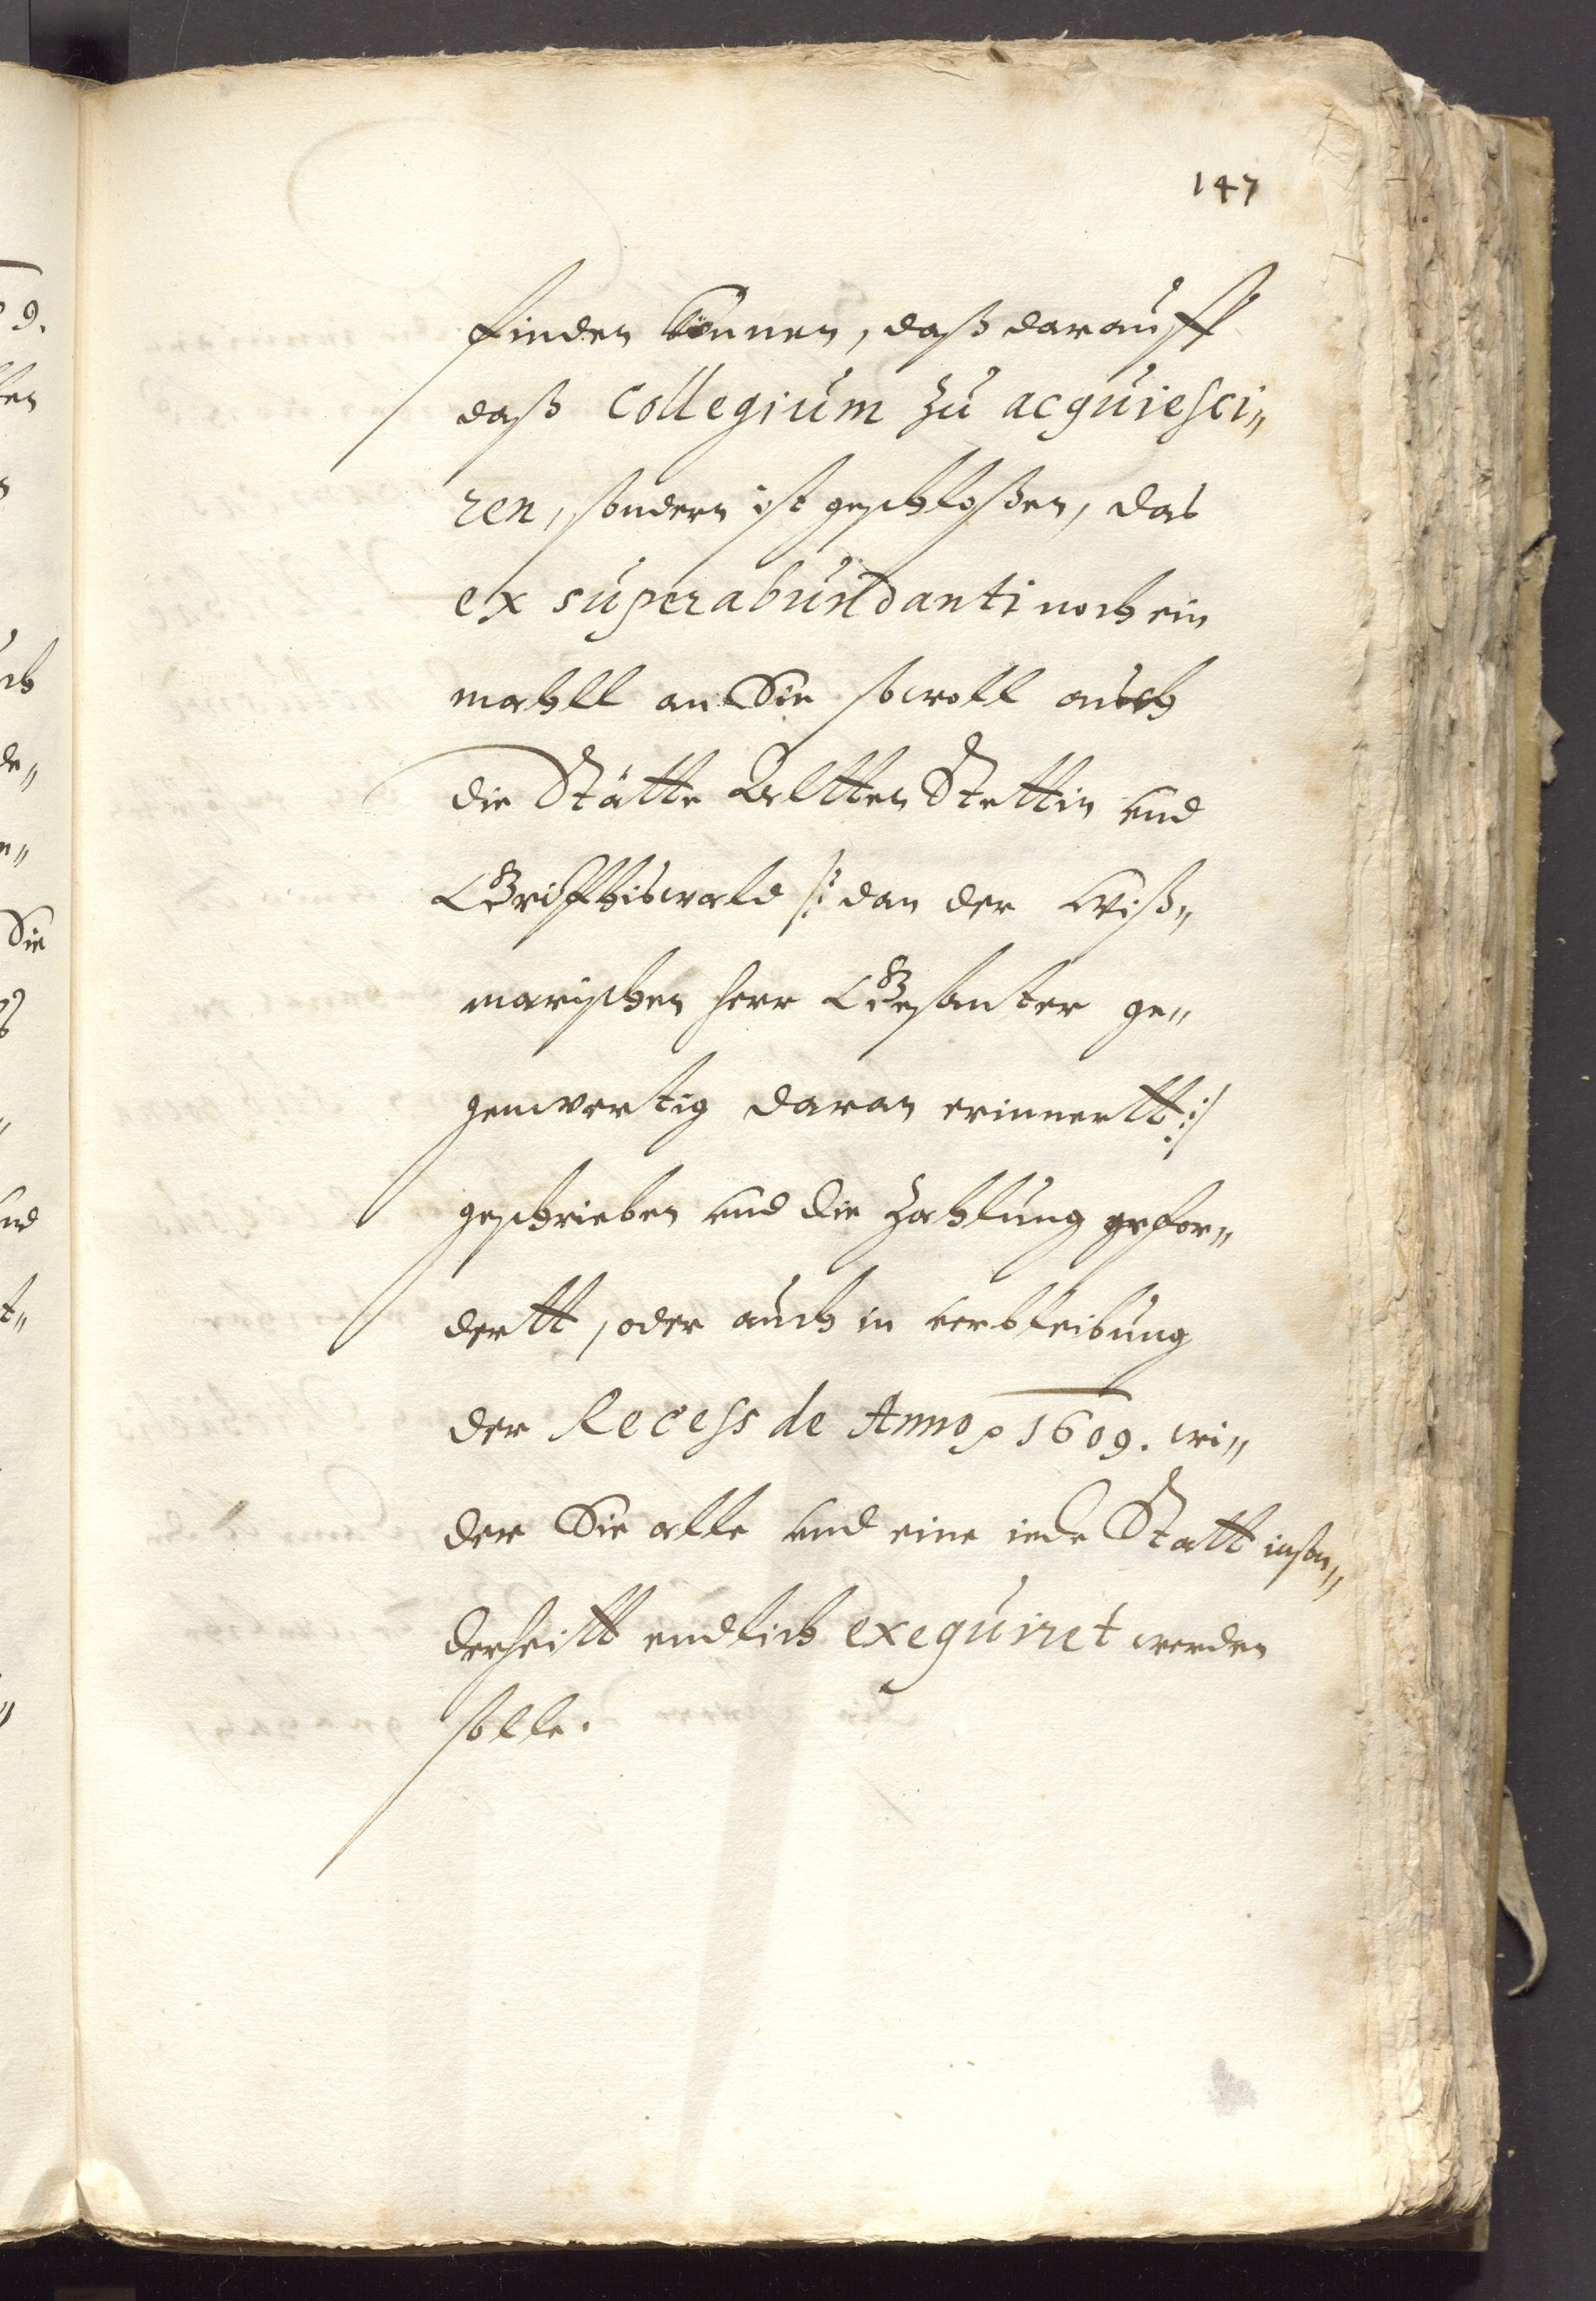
147
finden können, daß darauff
daß collegium zu acquiesci¬
ren, sondern ist geschloßen, das
ex superabundanti noch ein
mahll an Sie sowoll auch
die Stätte Altten Stettin vnd
Griphiswald |: dan der Wiß¬
marischen herr Gesanter ge¬
genwartig daran erinnertt :|
geschrieben vnd die Zahlung gefor¬
dertt, oder auch in verbleibung
der Recess de Anno p 1609. wi¬
der Sie alle vnd eine iede Statt inson¬
derheitt endlich exeguiret werden
solle.
